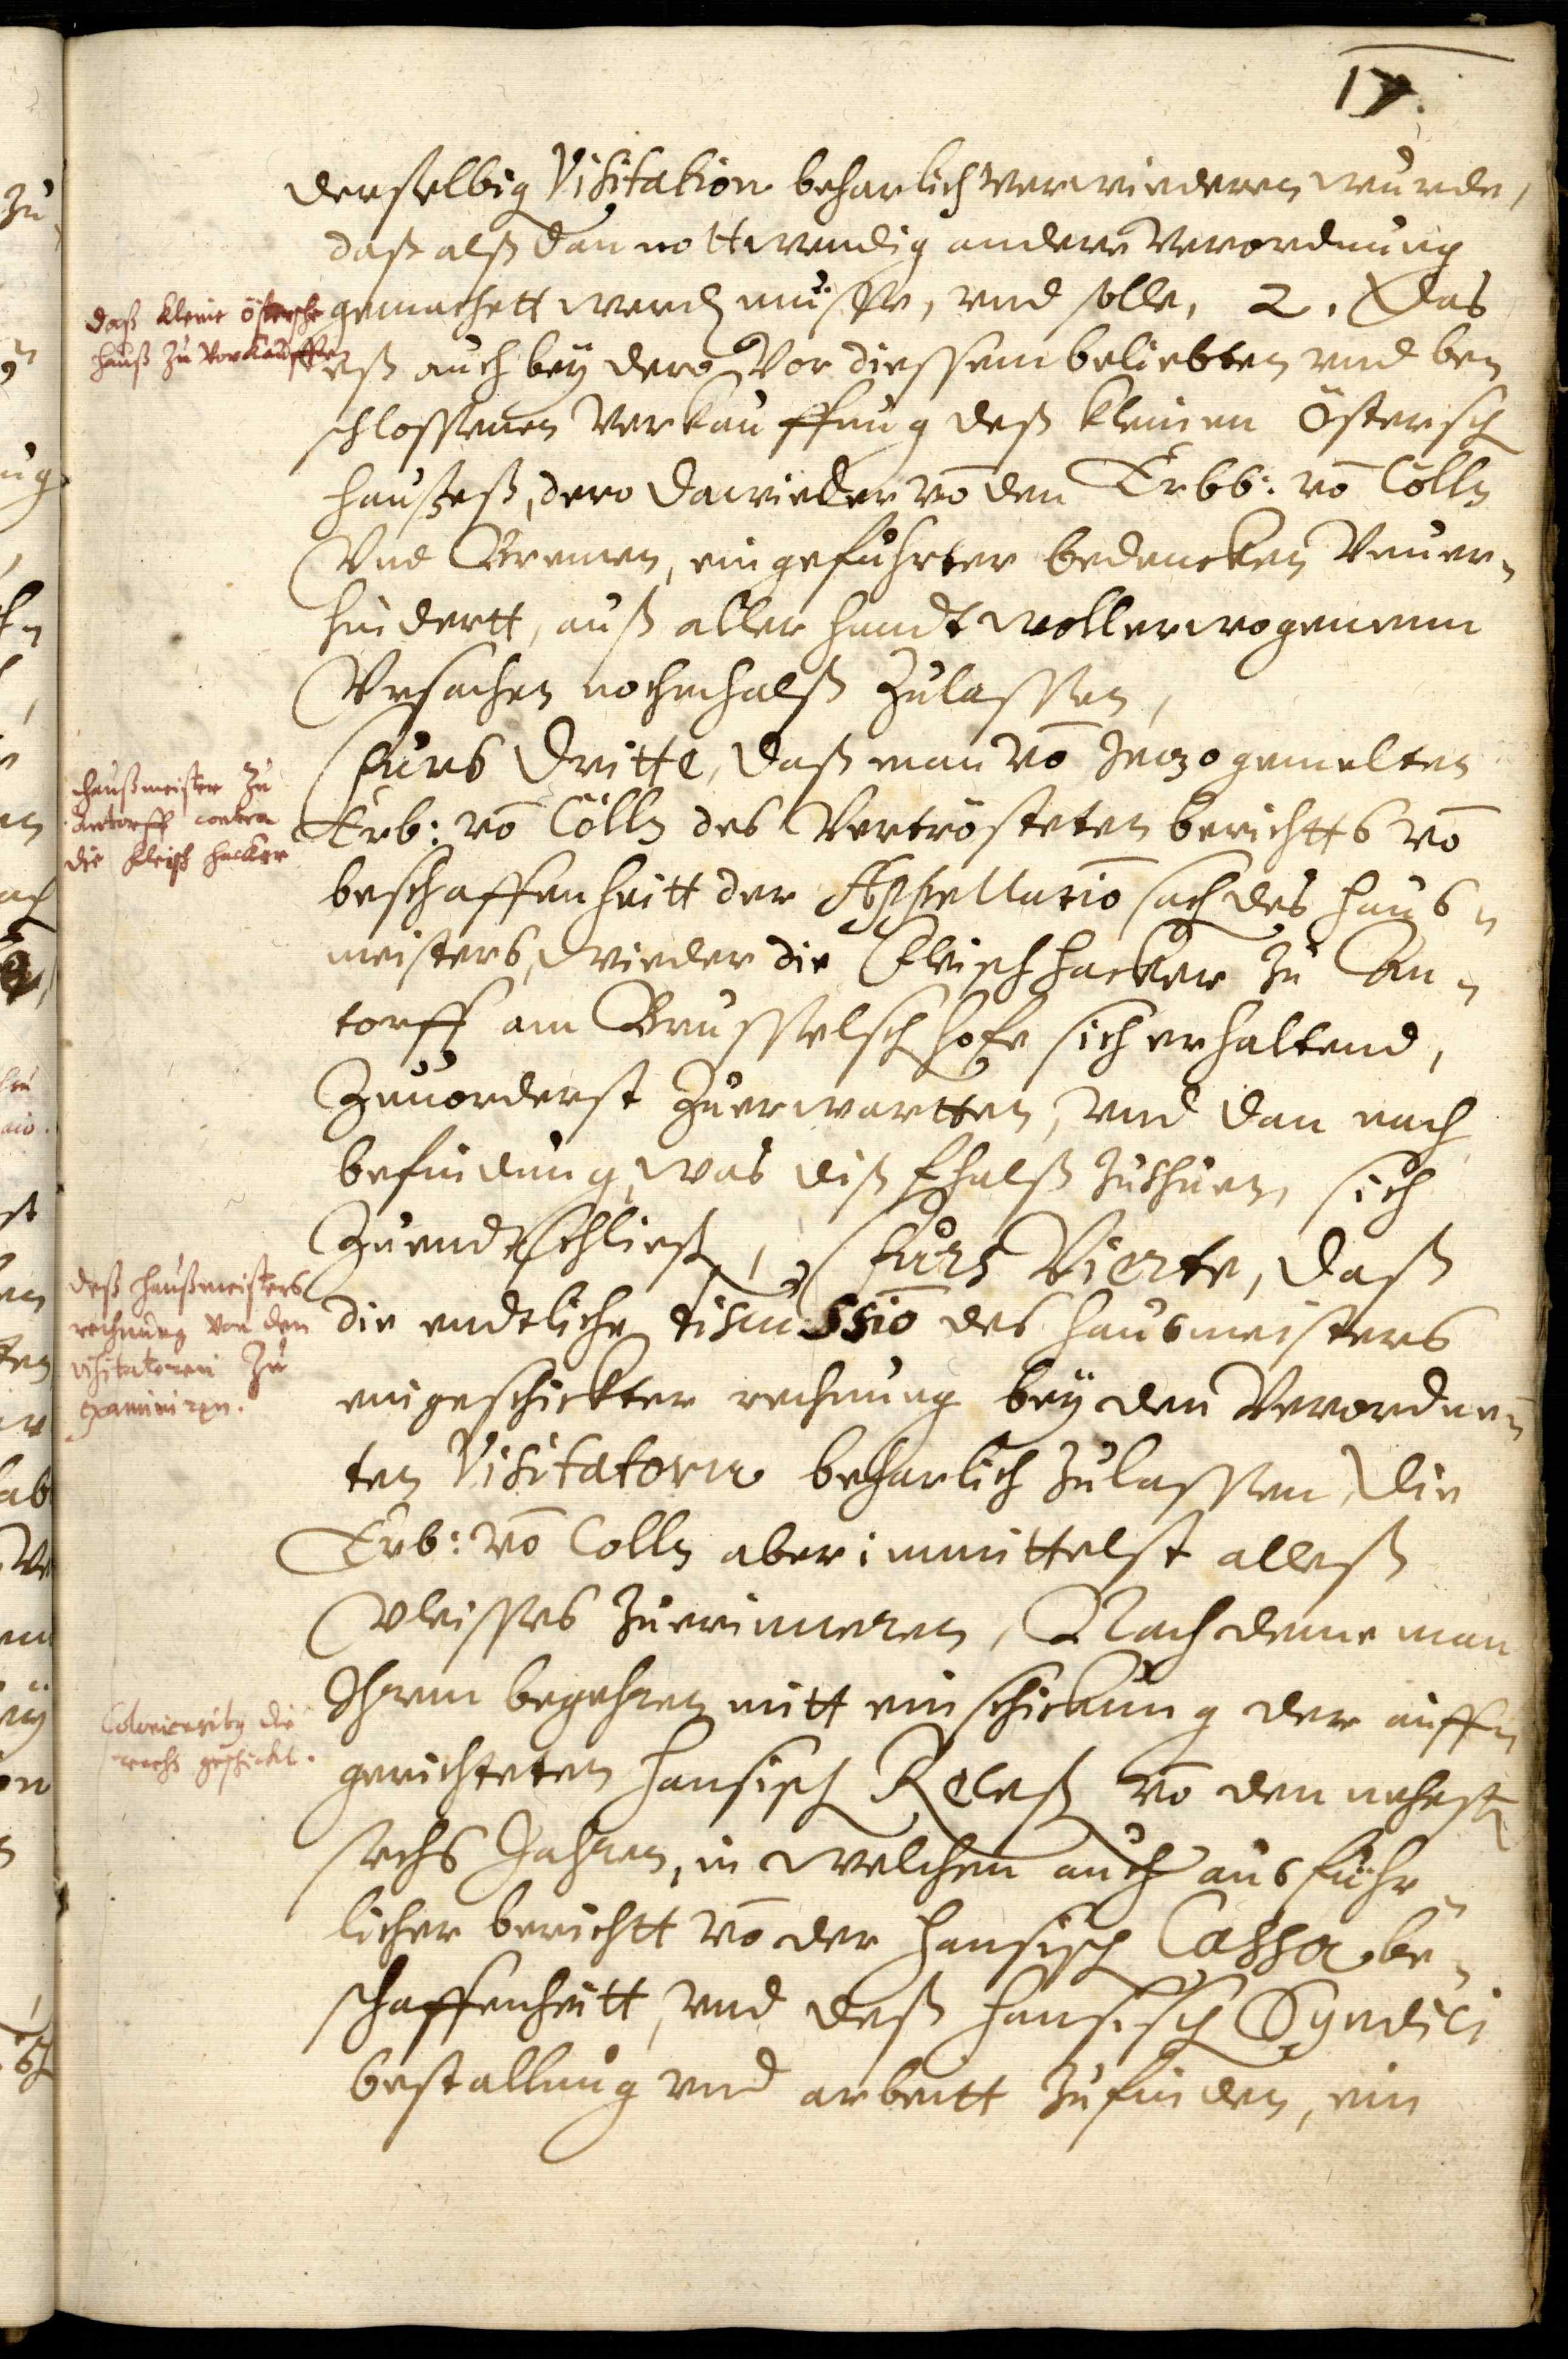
17
daß kleine östersche
hauß zu vorkauffen,
derselbigen Visitation beharlich verwiederen wurde,
daß alß dan nottwendig andere Verordnung
gemachett werden müsse, vnd solle, 2. Das
eß auch beij dero Vor diessem beliebten vnd be¬
schlossenen verkauffung deß kleinen Österschen
hausseß, dero dawieder von den Erbb: von Cölln
Vnd Bremen, eingefuhrter bedencken Vnuer¬
hindertt, auß aller handt wollerwogenenn
Vrsachen nochmhalß zulassen,
Furs Dritte, daß man von jetzo gemelten
Erb. von Cölln des Vertrösteten berichtts von
beschaffenheitt der Appellation sachen des haus¬
meisters, wieder die Fleischhacker zu An¬
torff am Brusselschen hofe sich erhaltend,
zuuorderst zuerwartten, vnd dan nach
befindung, was diß fhalß zuthuen, sich
zuendtschließen, Furs Vierte, Daß
die endtliche discussion des hausmeisters
eingeschickter rechnung beij den Verorden¬
ten Visitatorn beharlich zulassen, Die
Erb: von Colln aber immittelst alleß
vleisses zuerinneren, Nachdeme man
Ihrem begehren mitt einschickung der auff¬
gerichteten Hansischen Receßen von den nehesten
sechs Jahren, in welchen auch ausführ¬
licher berichtt von der Hansischen Cassa be¬
schaffenheitt vnd deß Hansischen Syndici
bestallung vnd arbeitt zufinden, ein
haußmeister zu
Antorff contra
die Fleisch hacker
deß haußmeisters
rechnung von den
visitatoren zu
examiniren.
Coloniensibus die
wachs geschickt.
